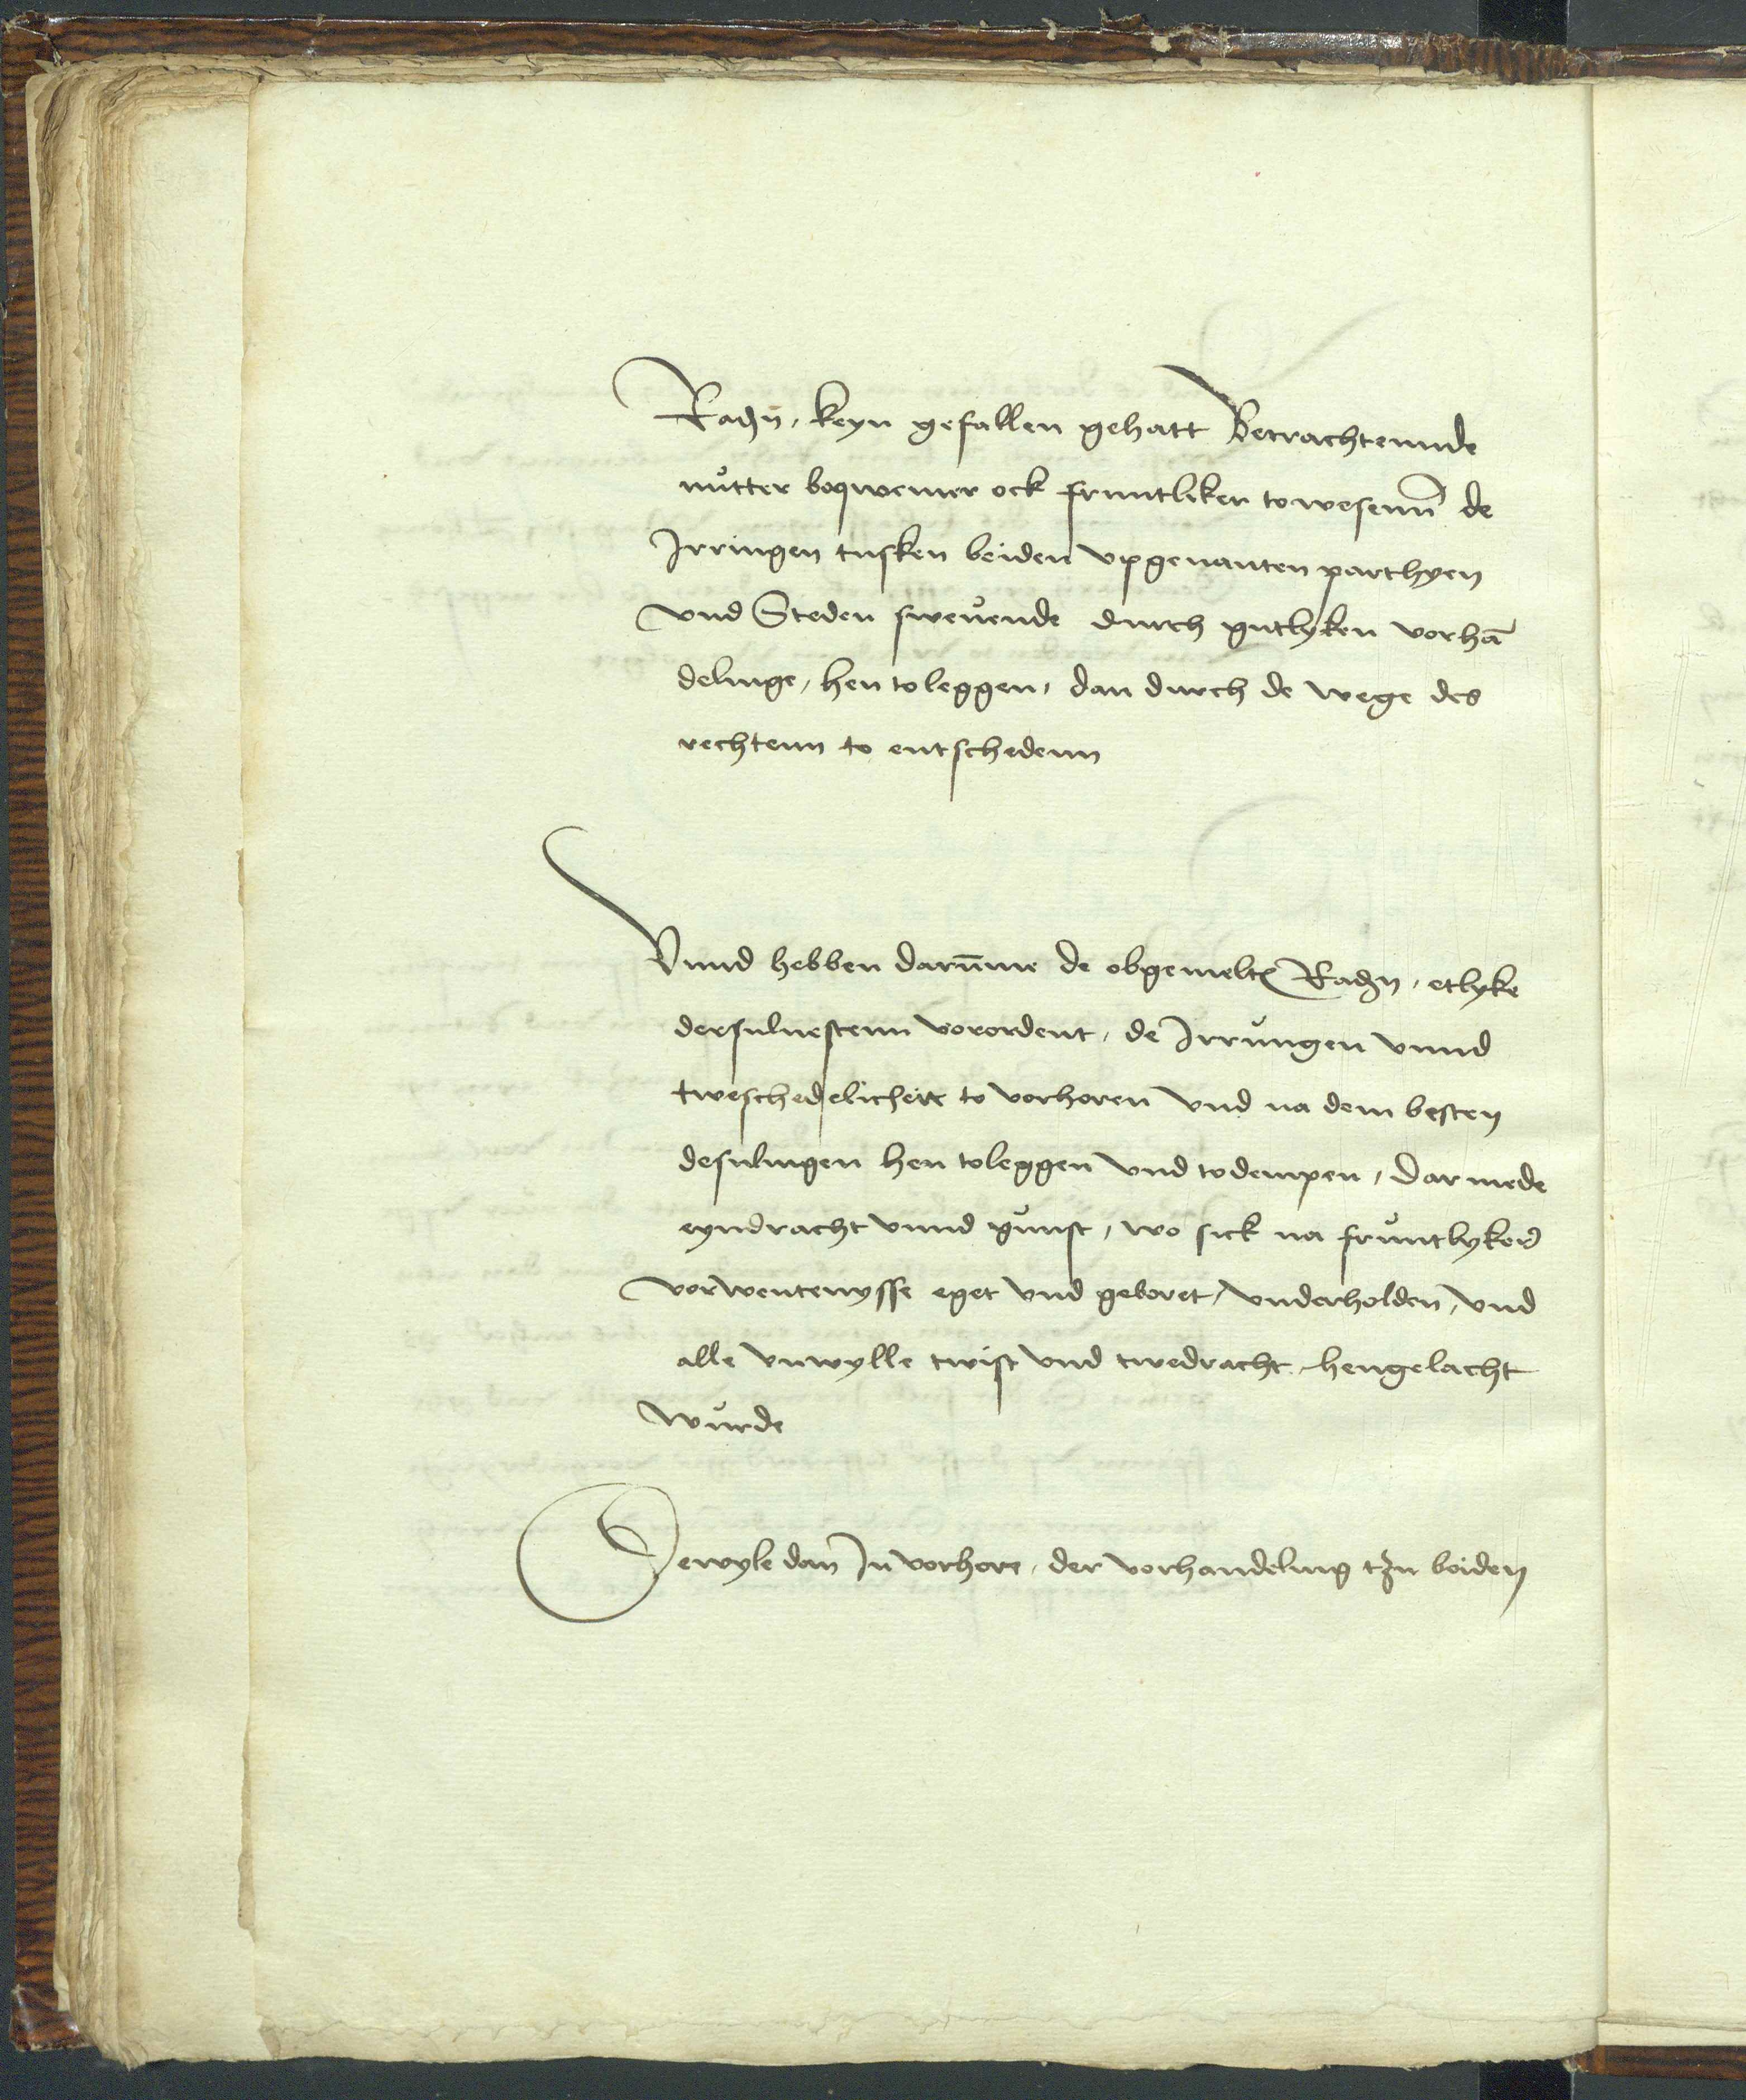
Radessendebaden, keyn gefallen gehatt Betrachtennde
nutter boqwemer ock fruntlyken towesenn de
Jrringen tusken beiden vpgenanten parthyen
vnd Steden swerende durch gutlyken vorhan¬
delinge, hentoleggen, dan durch de wege des
rechtenn to entschedenn
Vnnd hebben darumme de obgemelten Radessendebaden, etlyke
dersuluestenn vorordent, de Jrrungen vnnd
tweschedelicheit to vorhoren vnd na dem besten
desulingen hen toleggen vnd to dempen, dar mede
eyndracht vnnd gunst, wo sick na fruntlyker
vorwentenysse eget vnd geboret, vnderholden, vnd
alle vnwylle twist vnd twedracht hengelacht
wurde
Dewyle dan Jn vore, der vorhandlung tzu beiden
